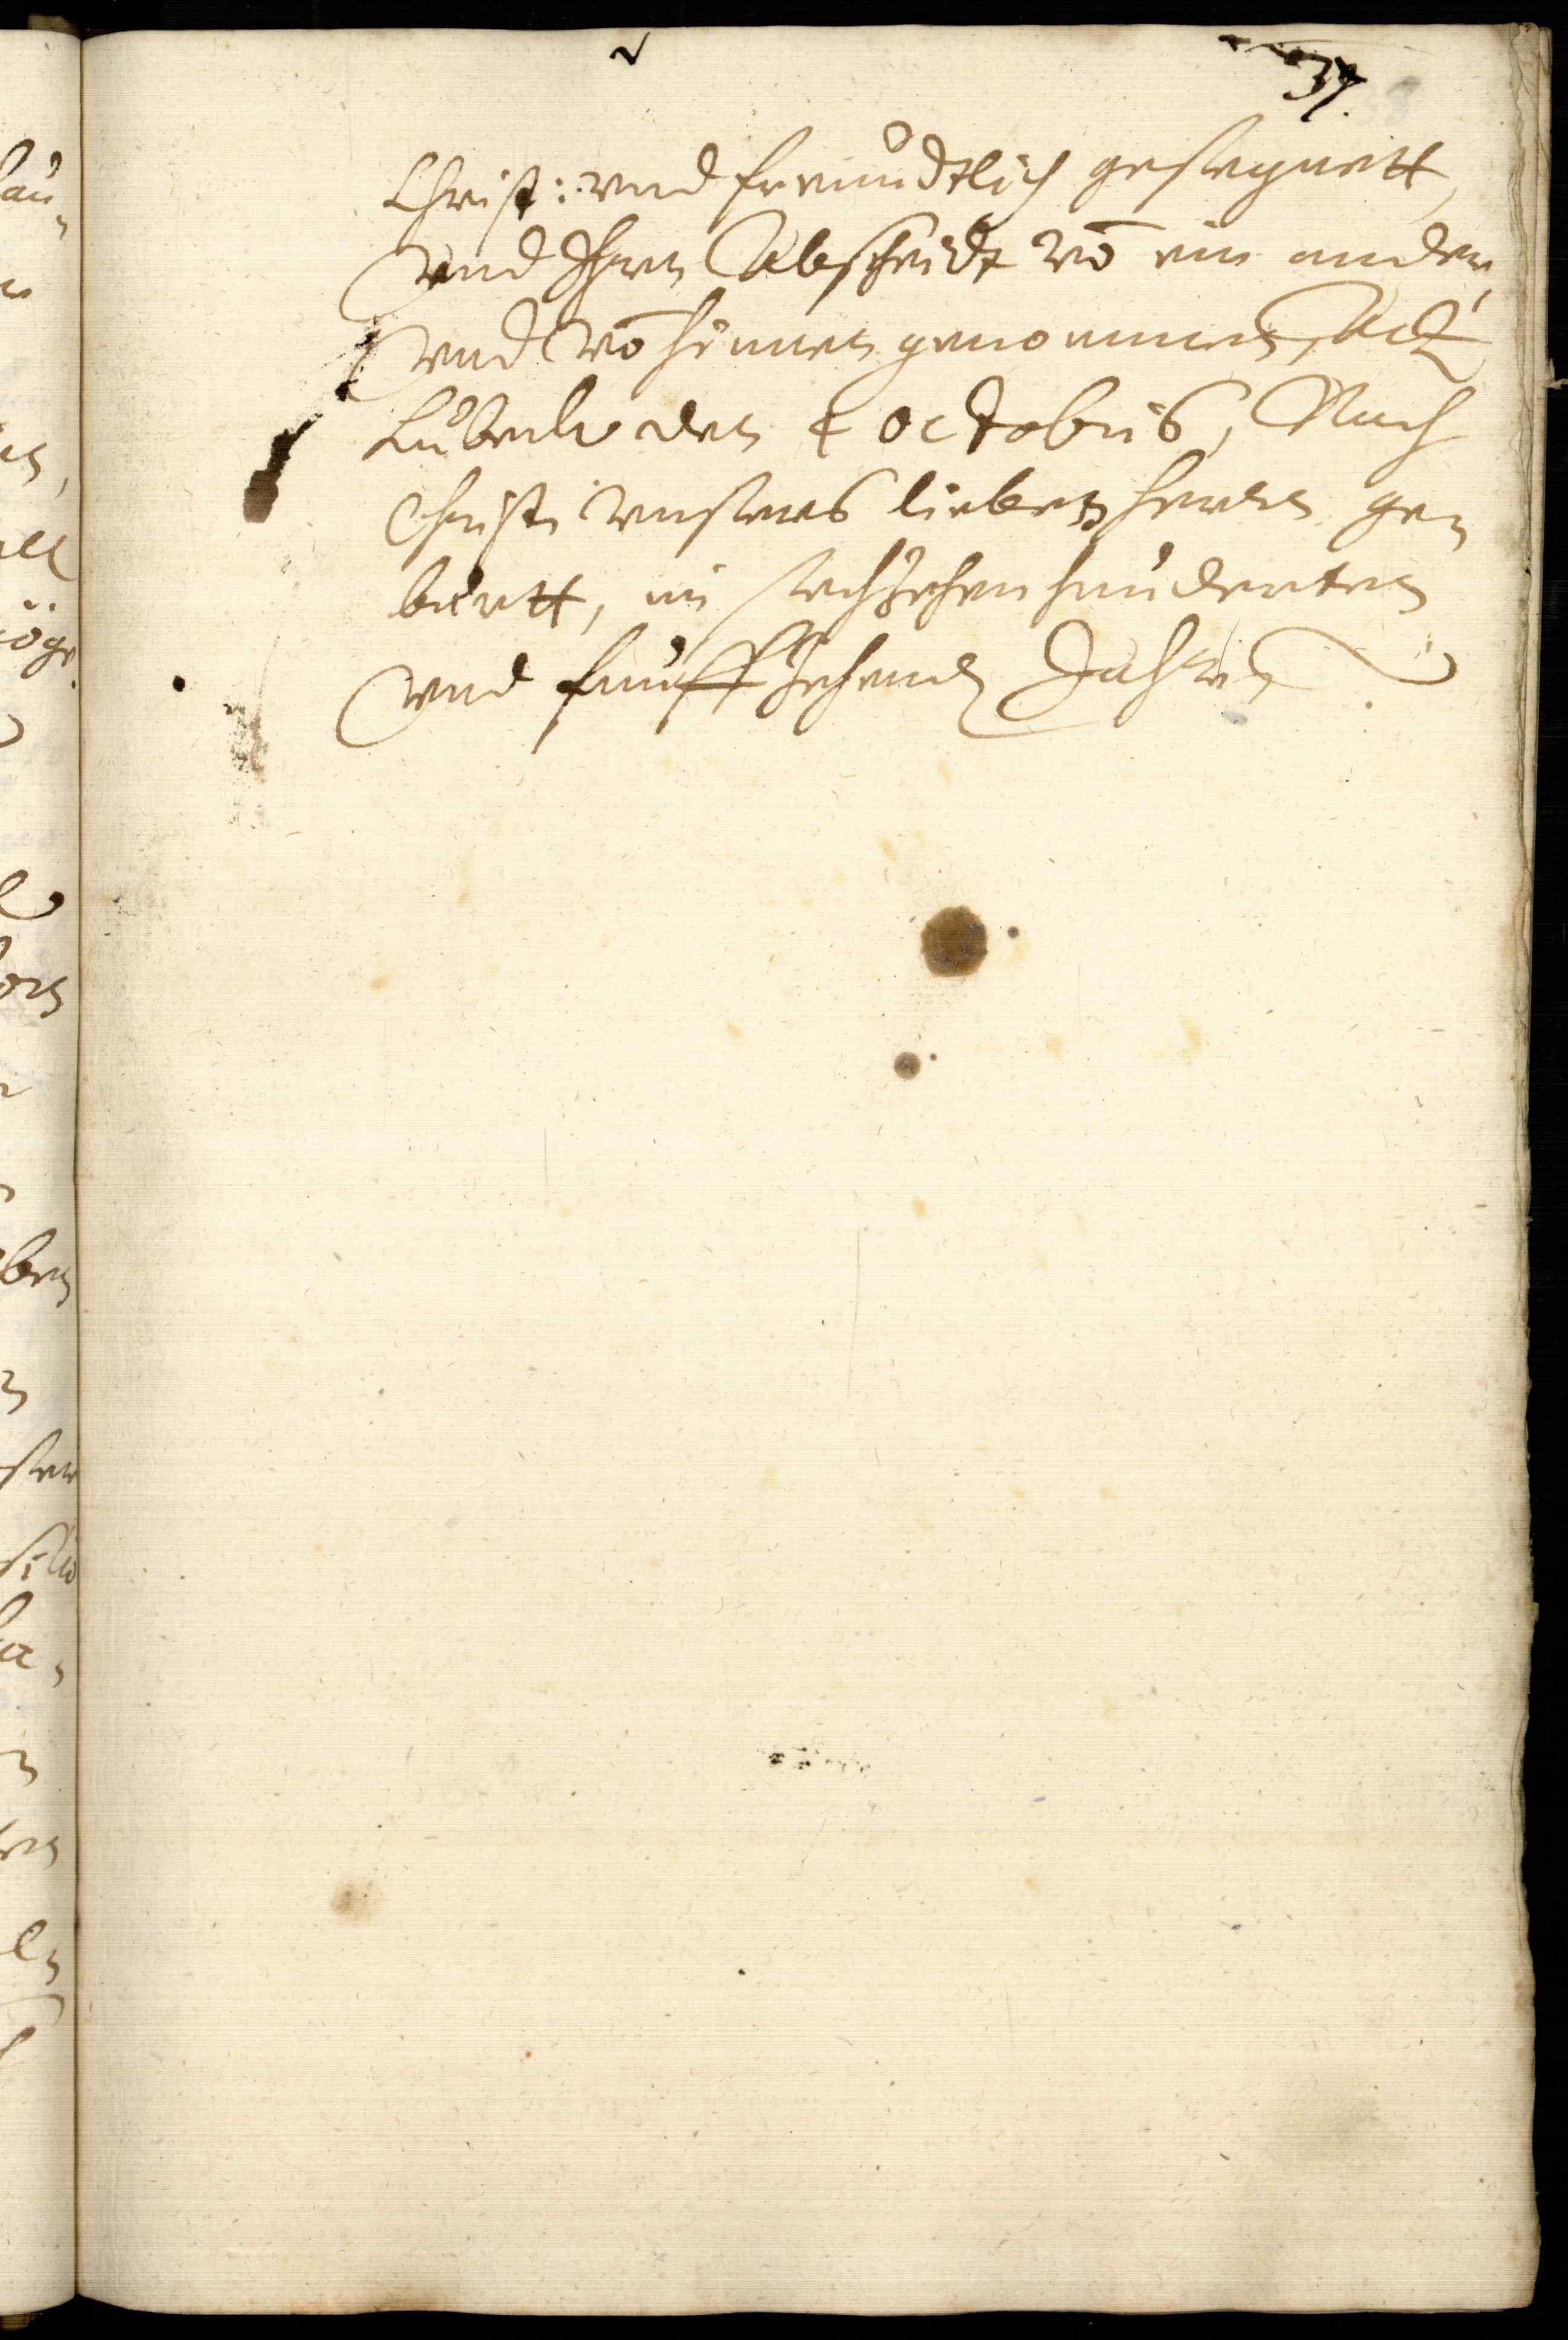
37.
Christ: vnd freundtlich gesegnett,
vnd Ihrn Abschiedt von ein ander,
vnd von hinnen genommen, Actum
Lubeck den 4 Octobris, Nach
Christi vnsers lieben herrn ge¬
burtt, im sechzehen hunderten
vnd funffzehenden Jahre
